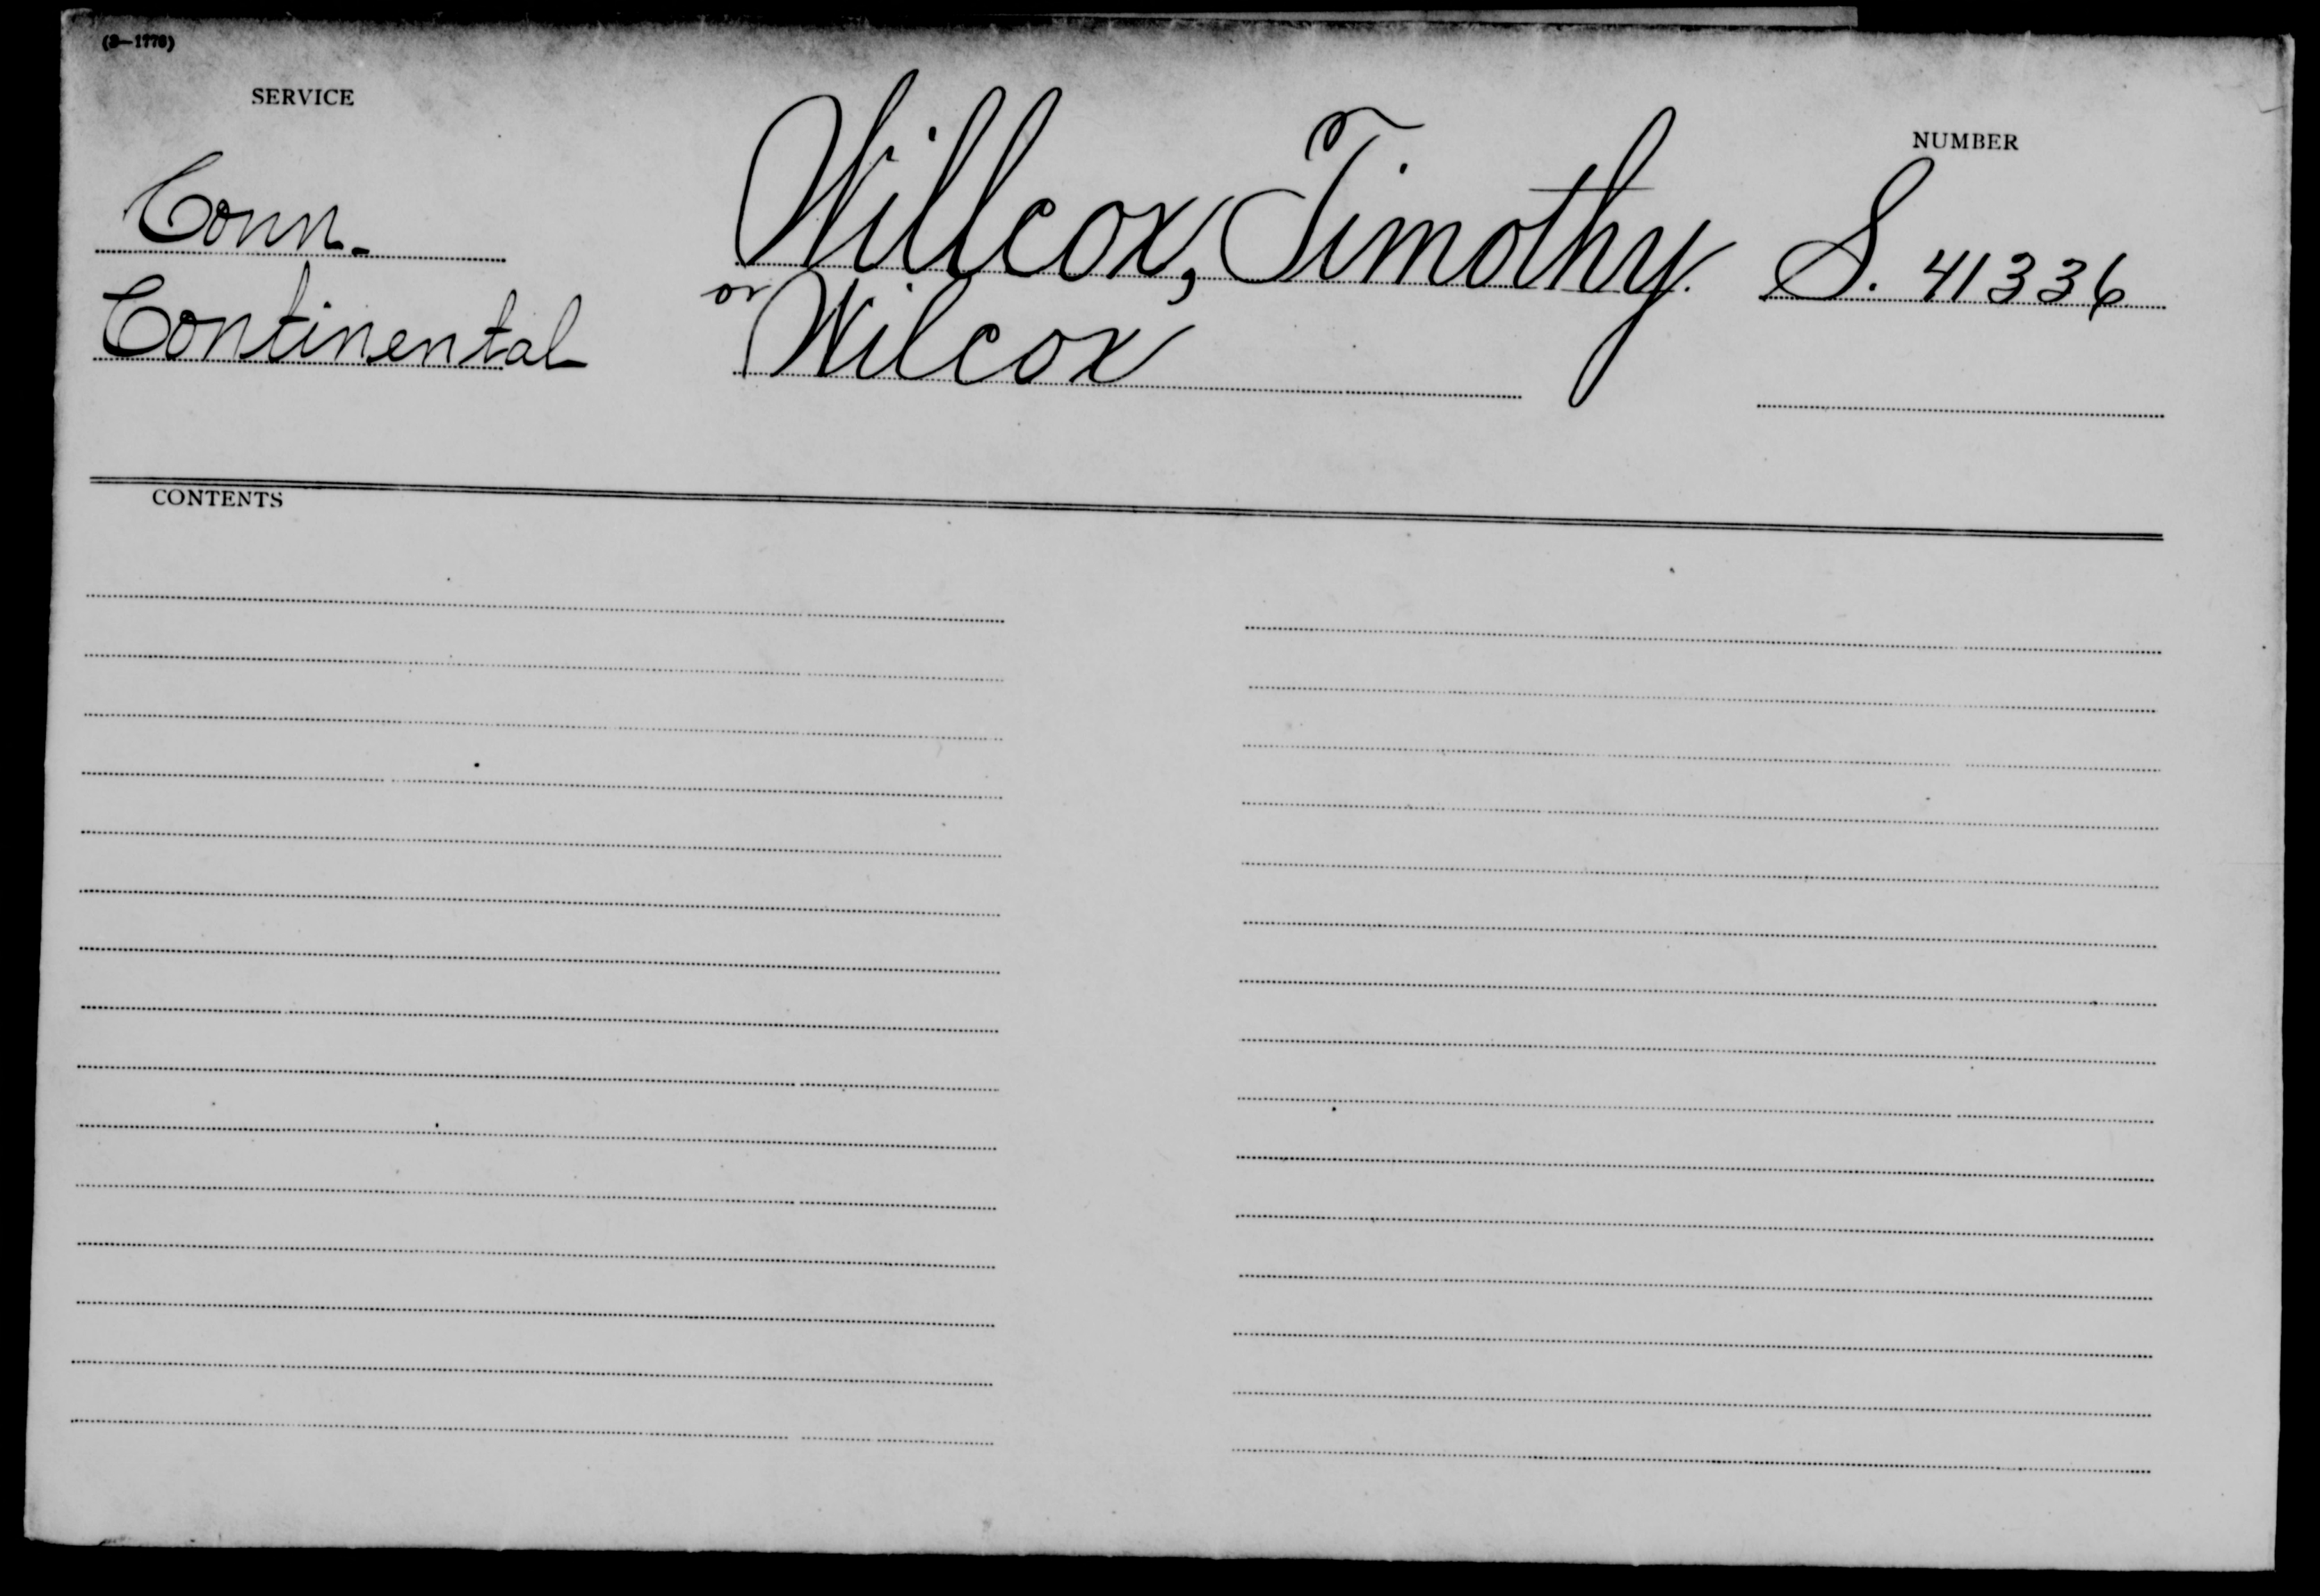SERVICE
Conn. 
Continental

Willcox, Timothy
or Wilcox

NUMBER
S.41336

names: Timothy Wilcox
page: 1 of 15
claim: survivor's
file: S. 41336, Timothy Willcox, Conn. Continental